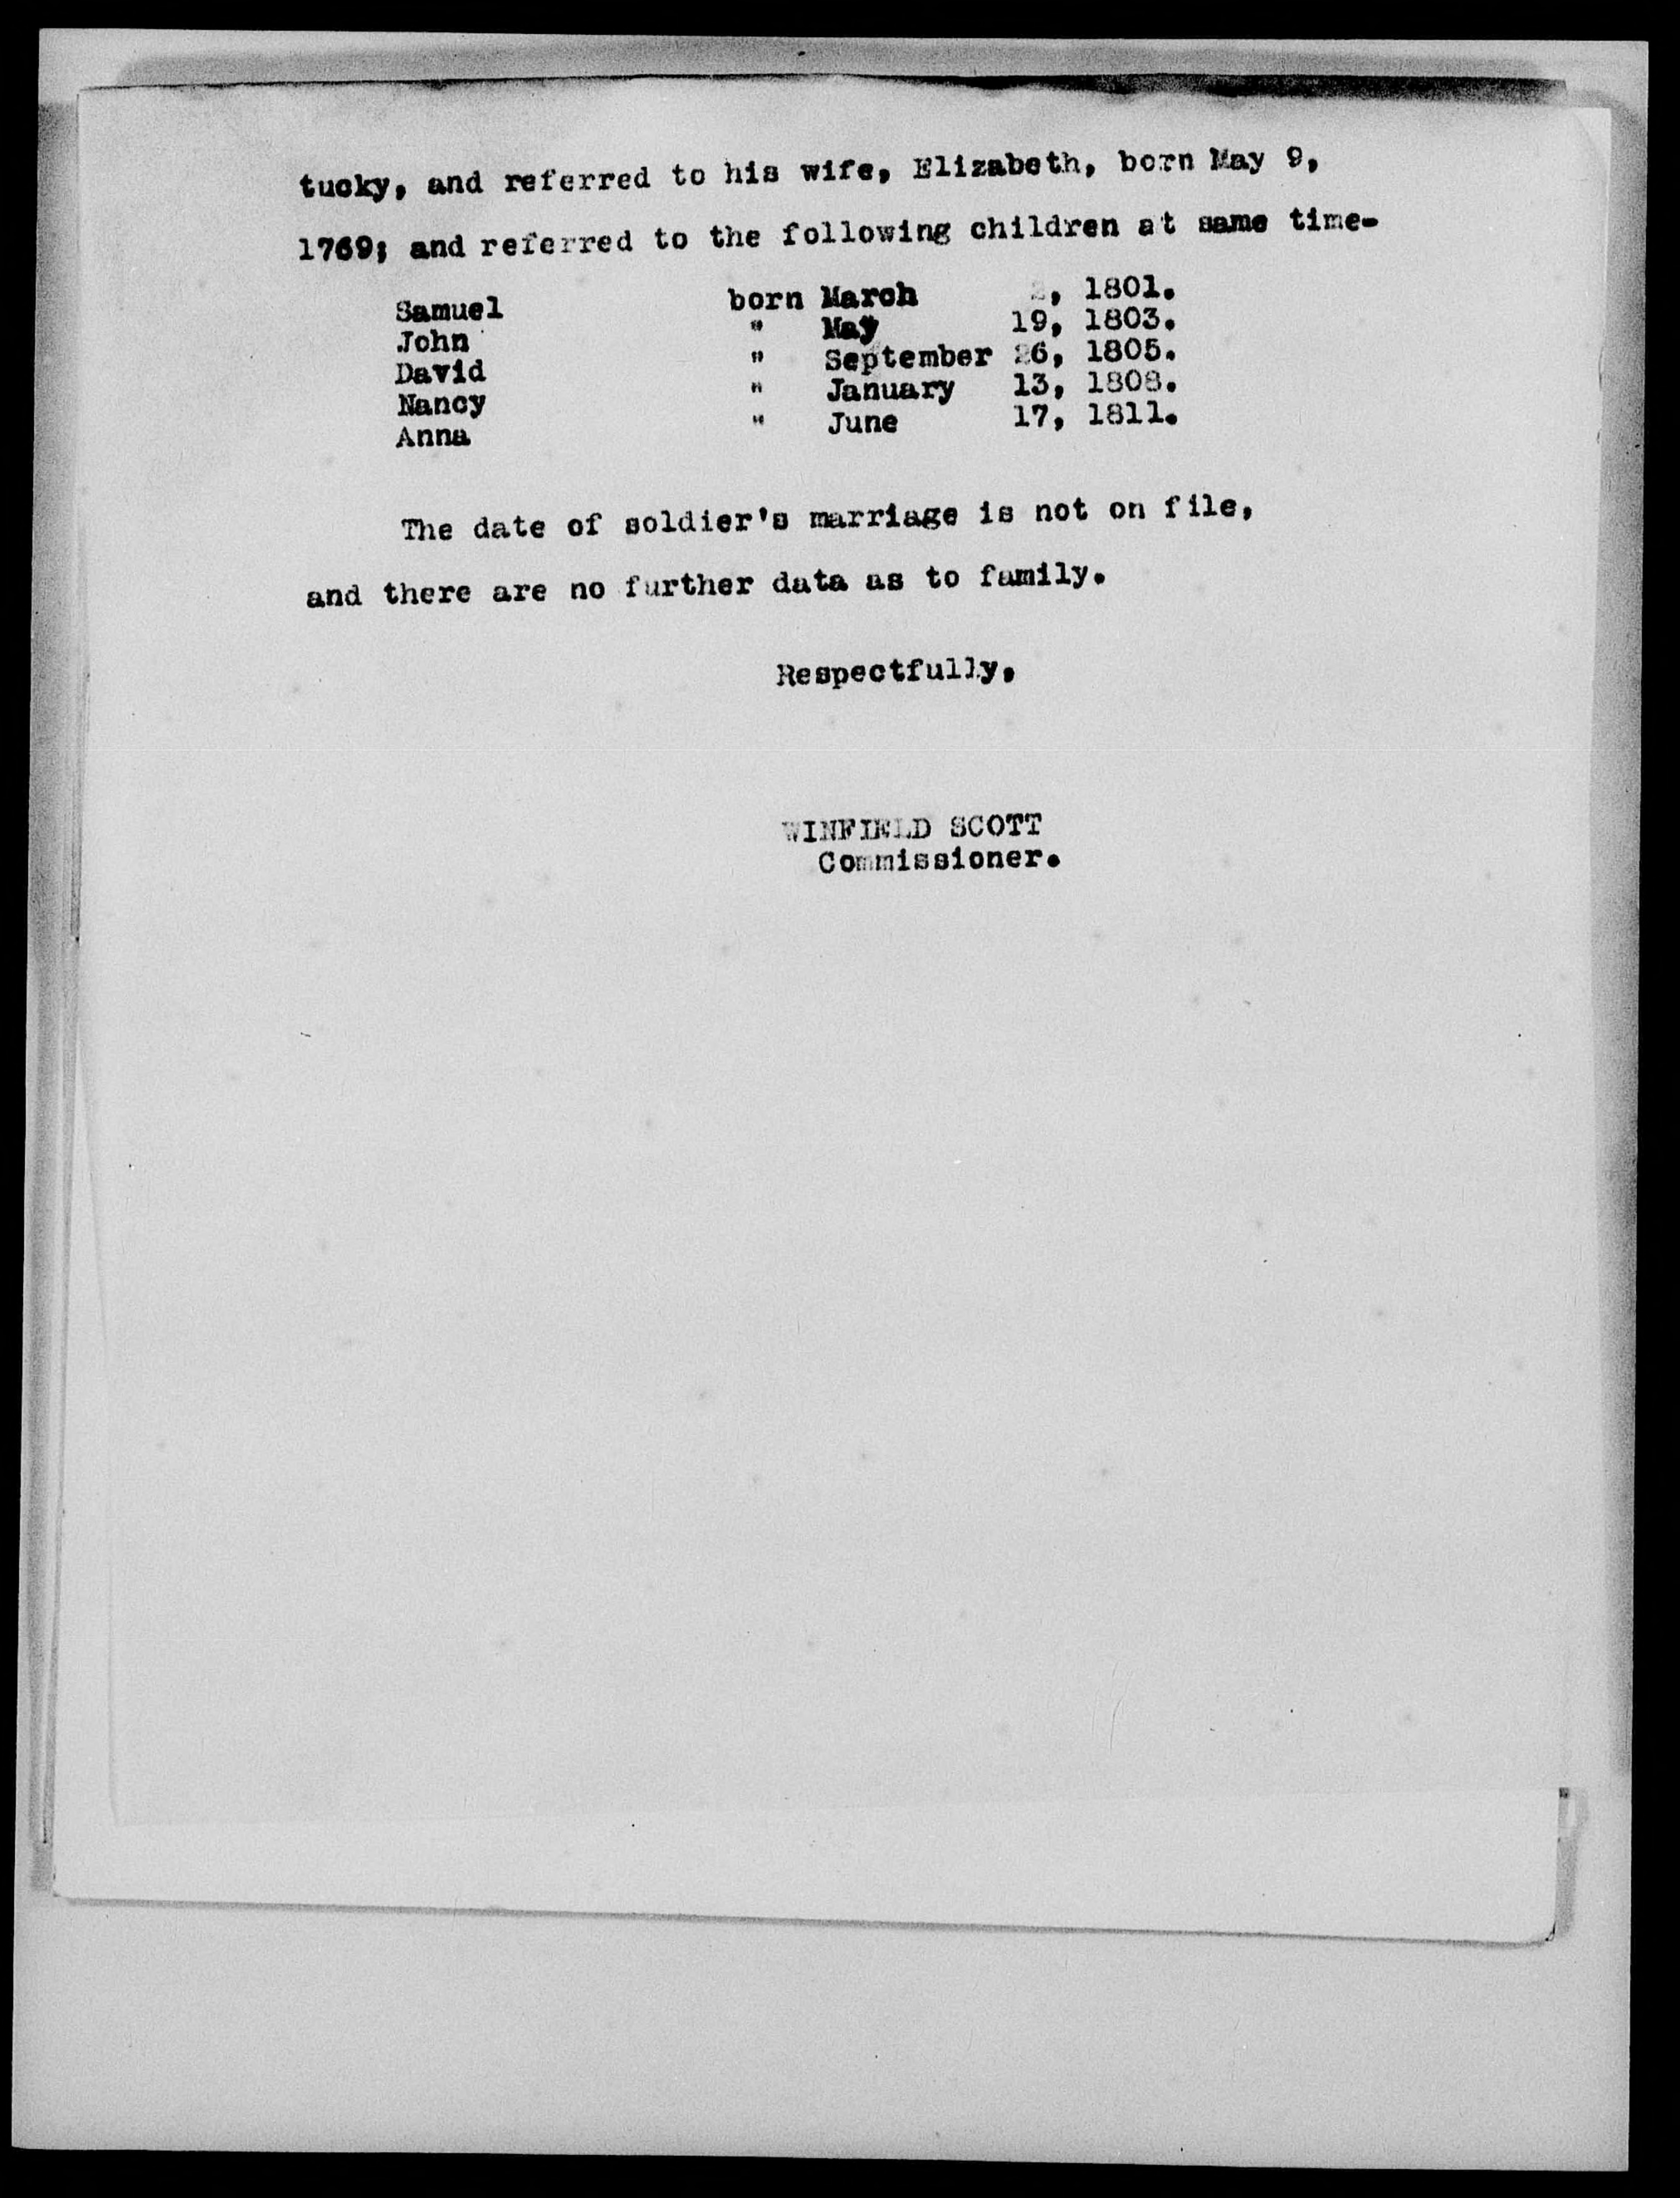tucky and referred to his wife, Elizabeth, born May 9, 1769 and referred to the following children at same time:

Samuel born March 2, 1801
John born May 19, 1803
David born September  26, 1805
Nancy born January 13, 1808
Anna born June 17, 1811

The date of soldier's marriage is not on file, and there are no further data as to family.

Respectfully, 

Winfield Scott
Commissioner.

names: Elizabeth [BLANK]; Nancy [BLANK]; David [BLANK]; John [BLANK]; Anna [BLANK]; Samuel [BLANK]; Winfield Scott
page: 32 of 34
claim: survivor's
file: S. 36,051, for Samuel Luckett, Maryland